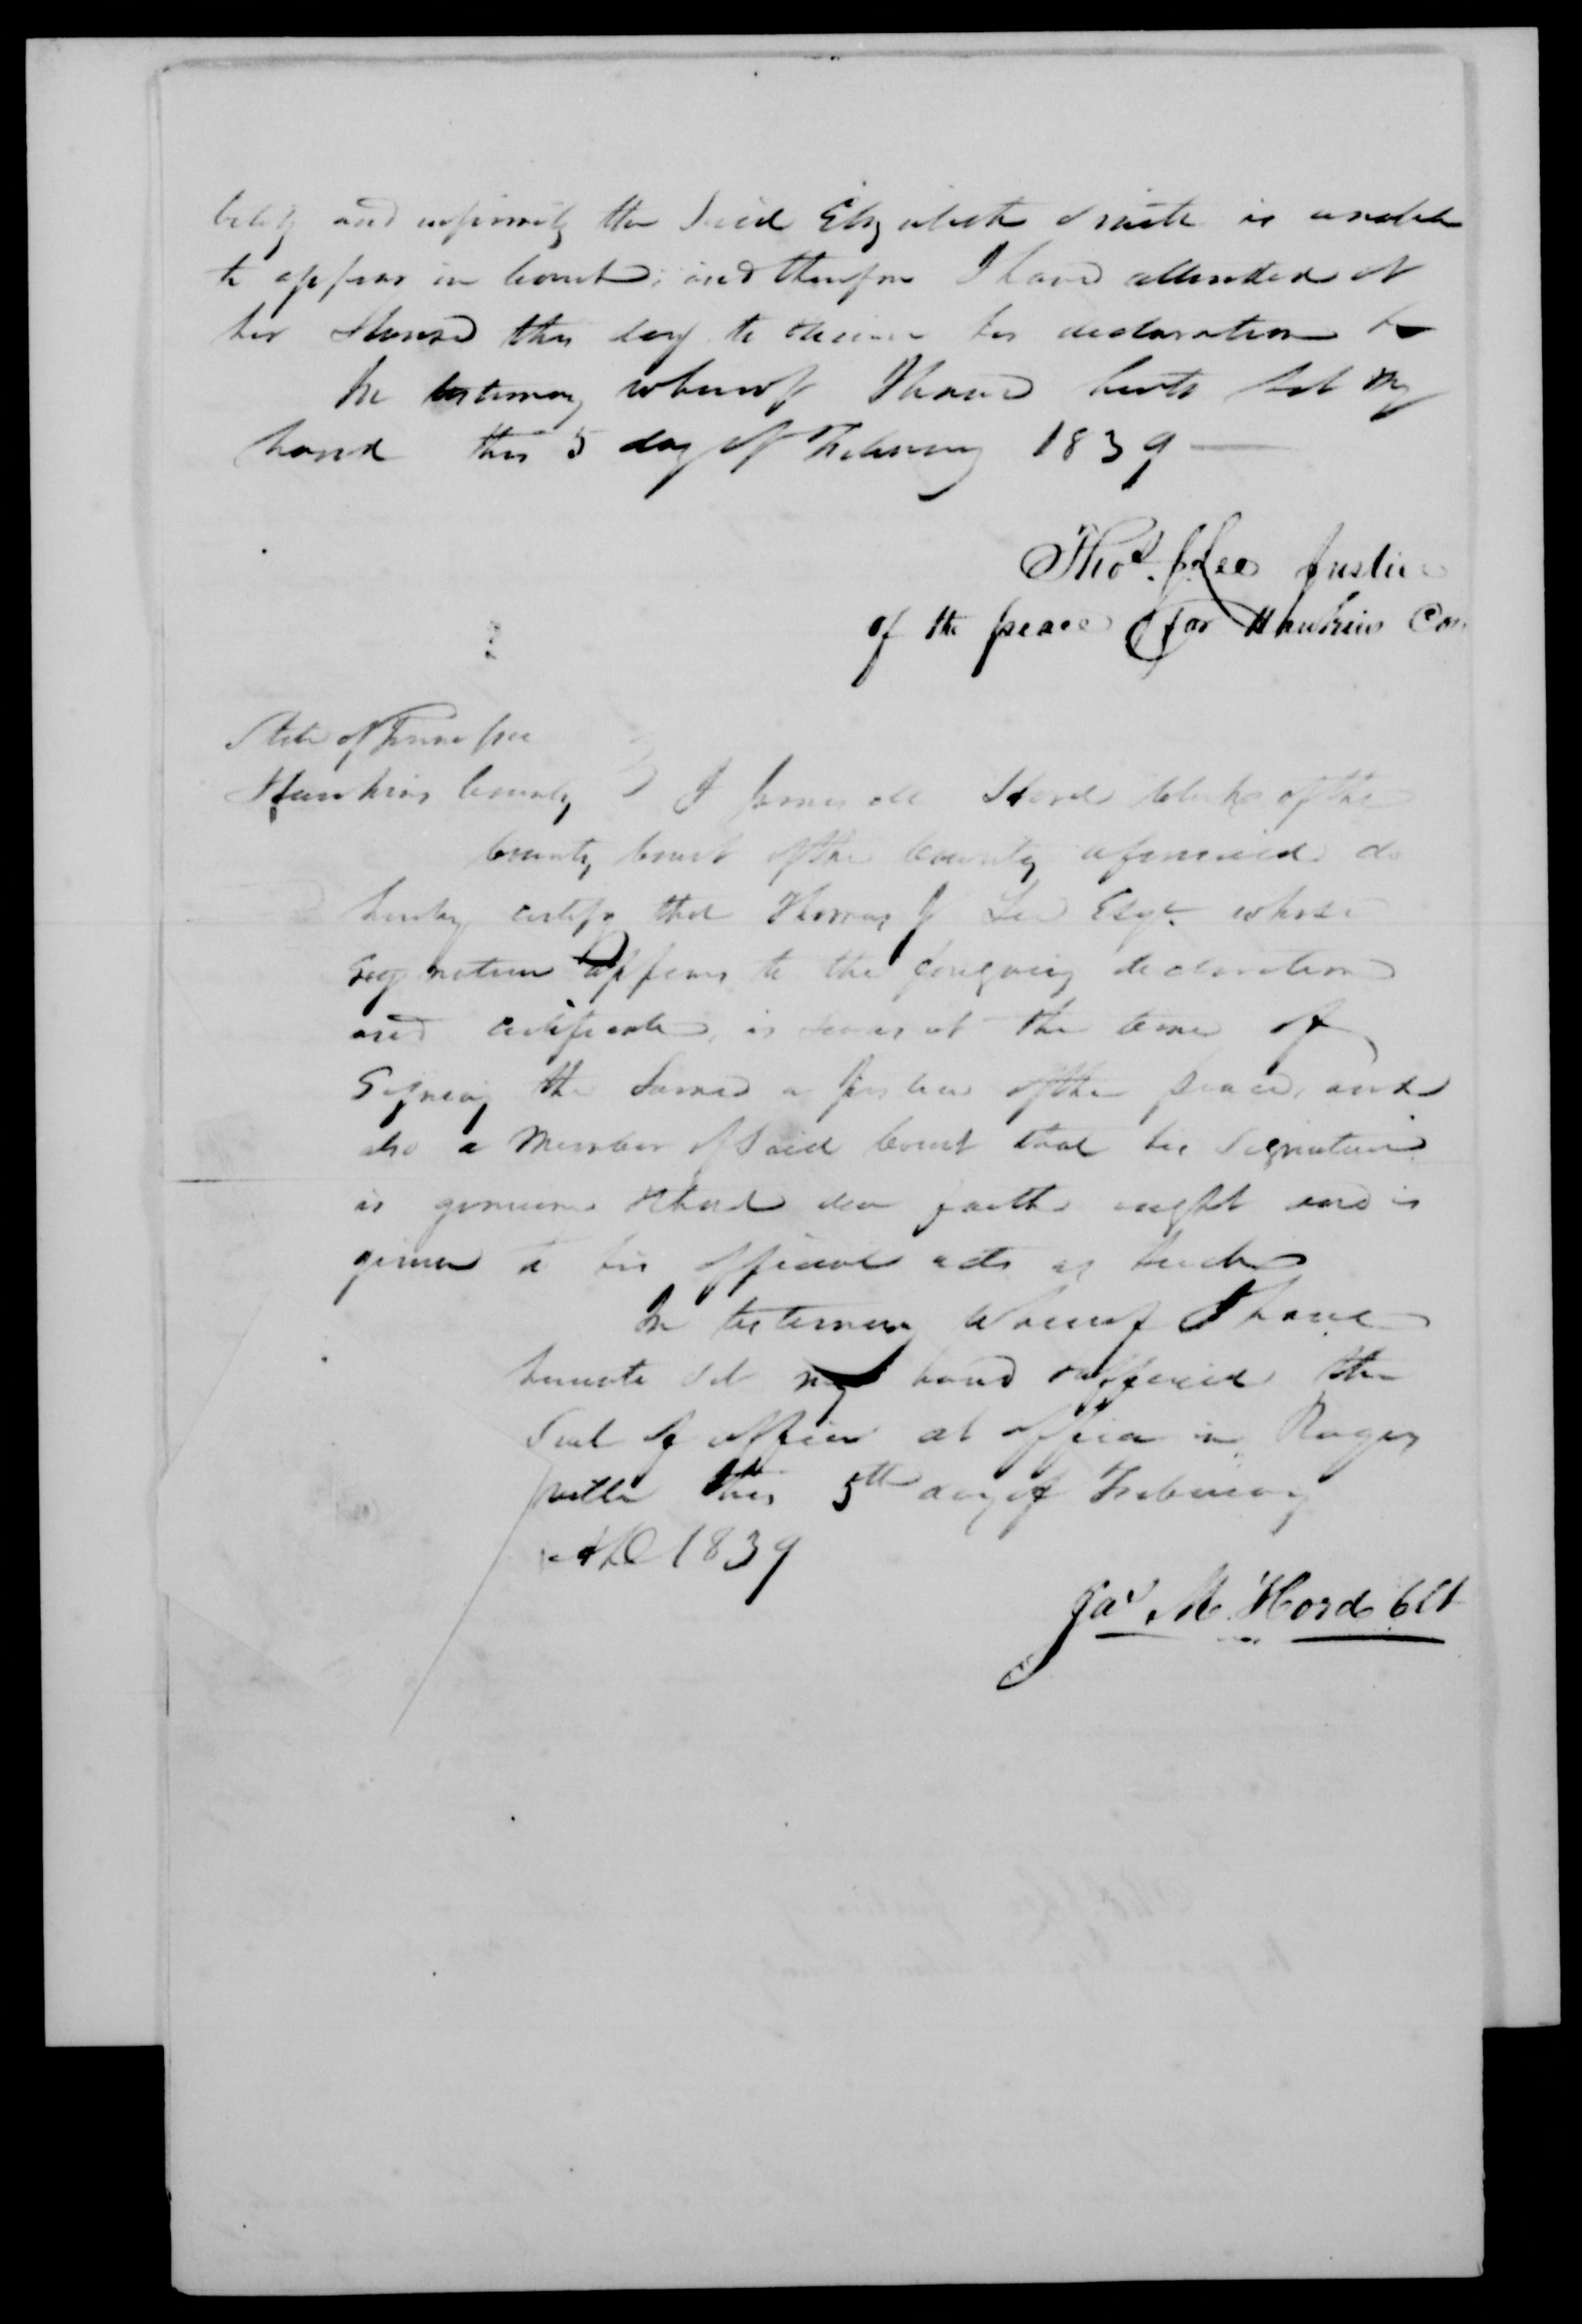bility and infirmity the said Elizabeth Smith is unable to appear in court, and therefore I have attended at
her house this day to received her declaration
In testimony whereof I have hereto set my hand this 5 day of Feby 1839-
s/ Thos J. Lee Justice of the Peace

State of Tennesee Hawkins County ⎬ I James M Hord Clerk of the County Court of the County aforesaid do
hereby certify that Thomas J Lee Esq whose signature appears to the foregoing declaration and certificate is and was at the time of Signing the same a Justice of the peace, and
to a member of said Court that his signature is genuine that due faith ought and is given to his official acts as such
In testimony whereof I have
unto set my hand suffered the
seal of office at office in Rager _
with this 5th day of Febuary
AD 1839
Jas M Hord Clk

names: Elizabeth Smith; Thos J Lee; Thomas J Lee; Jas M Hord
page: 43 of 79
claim: widow's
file: W. 1504, for Robert Smith, North Carolina